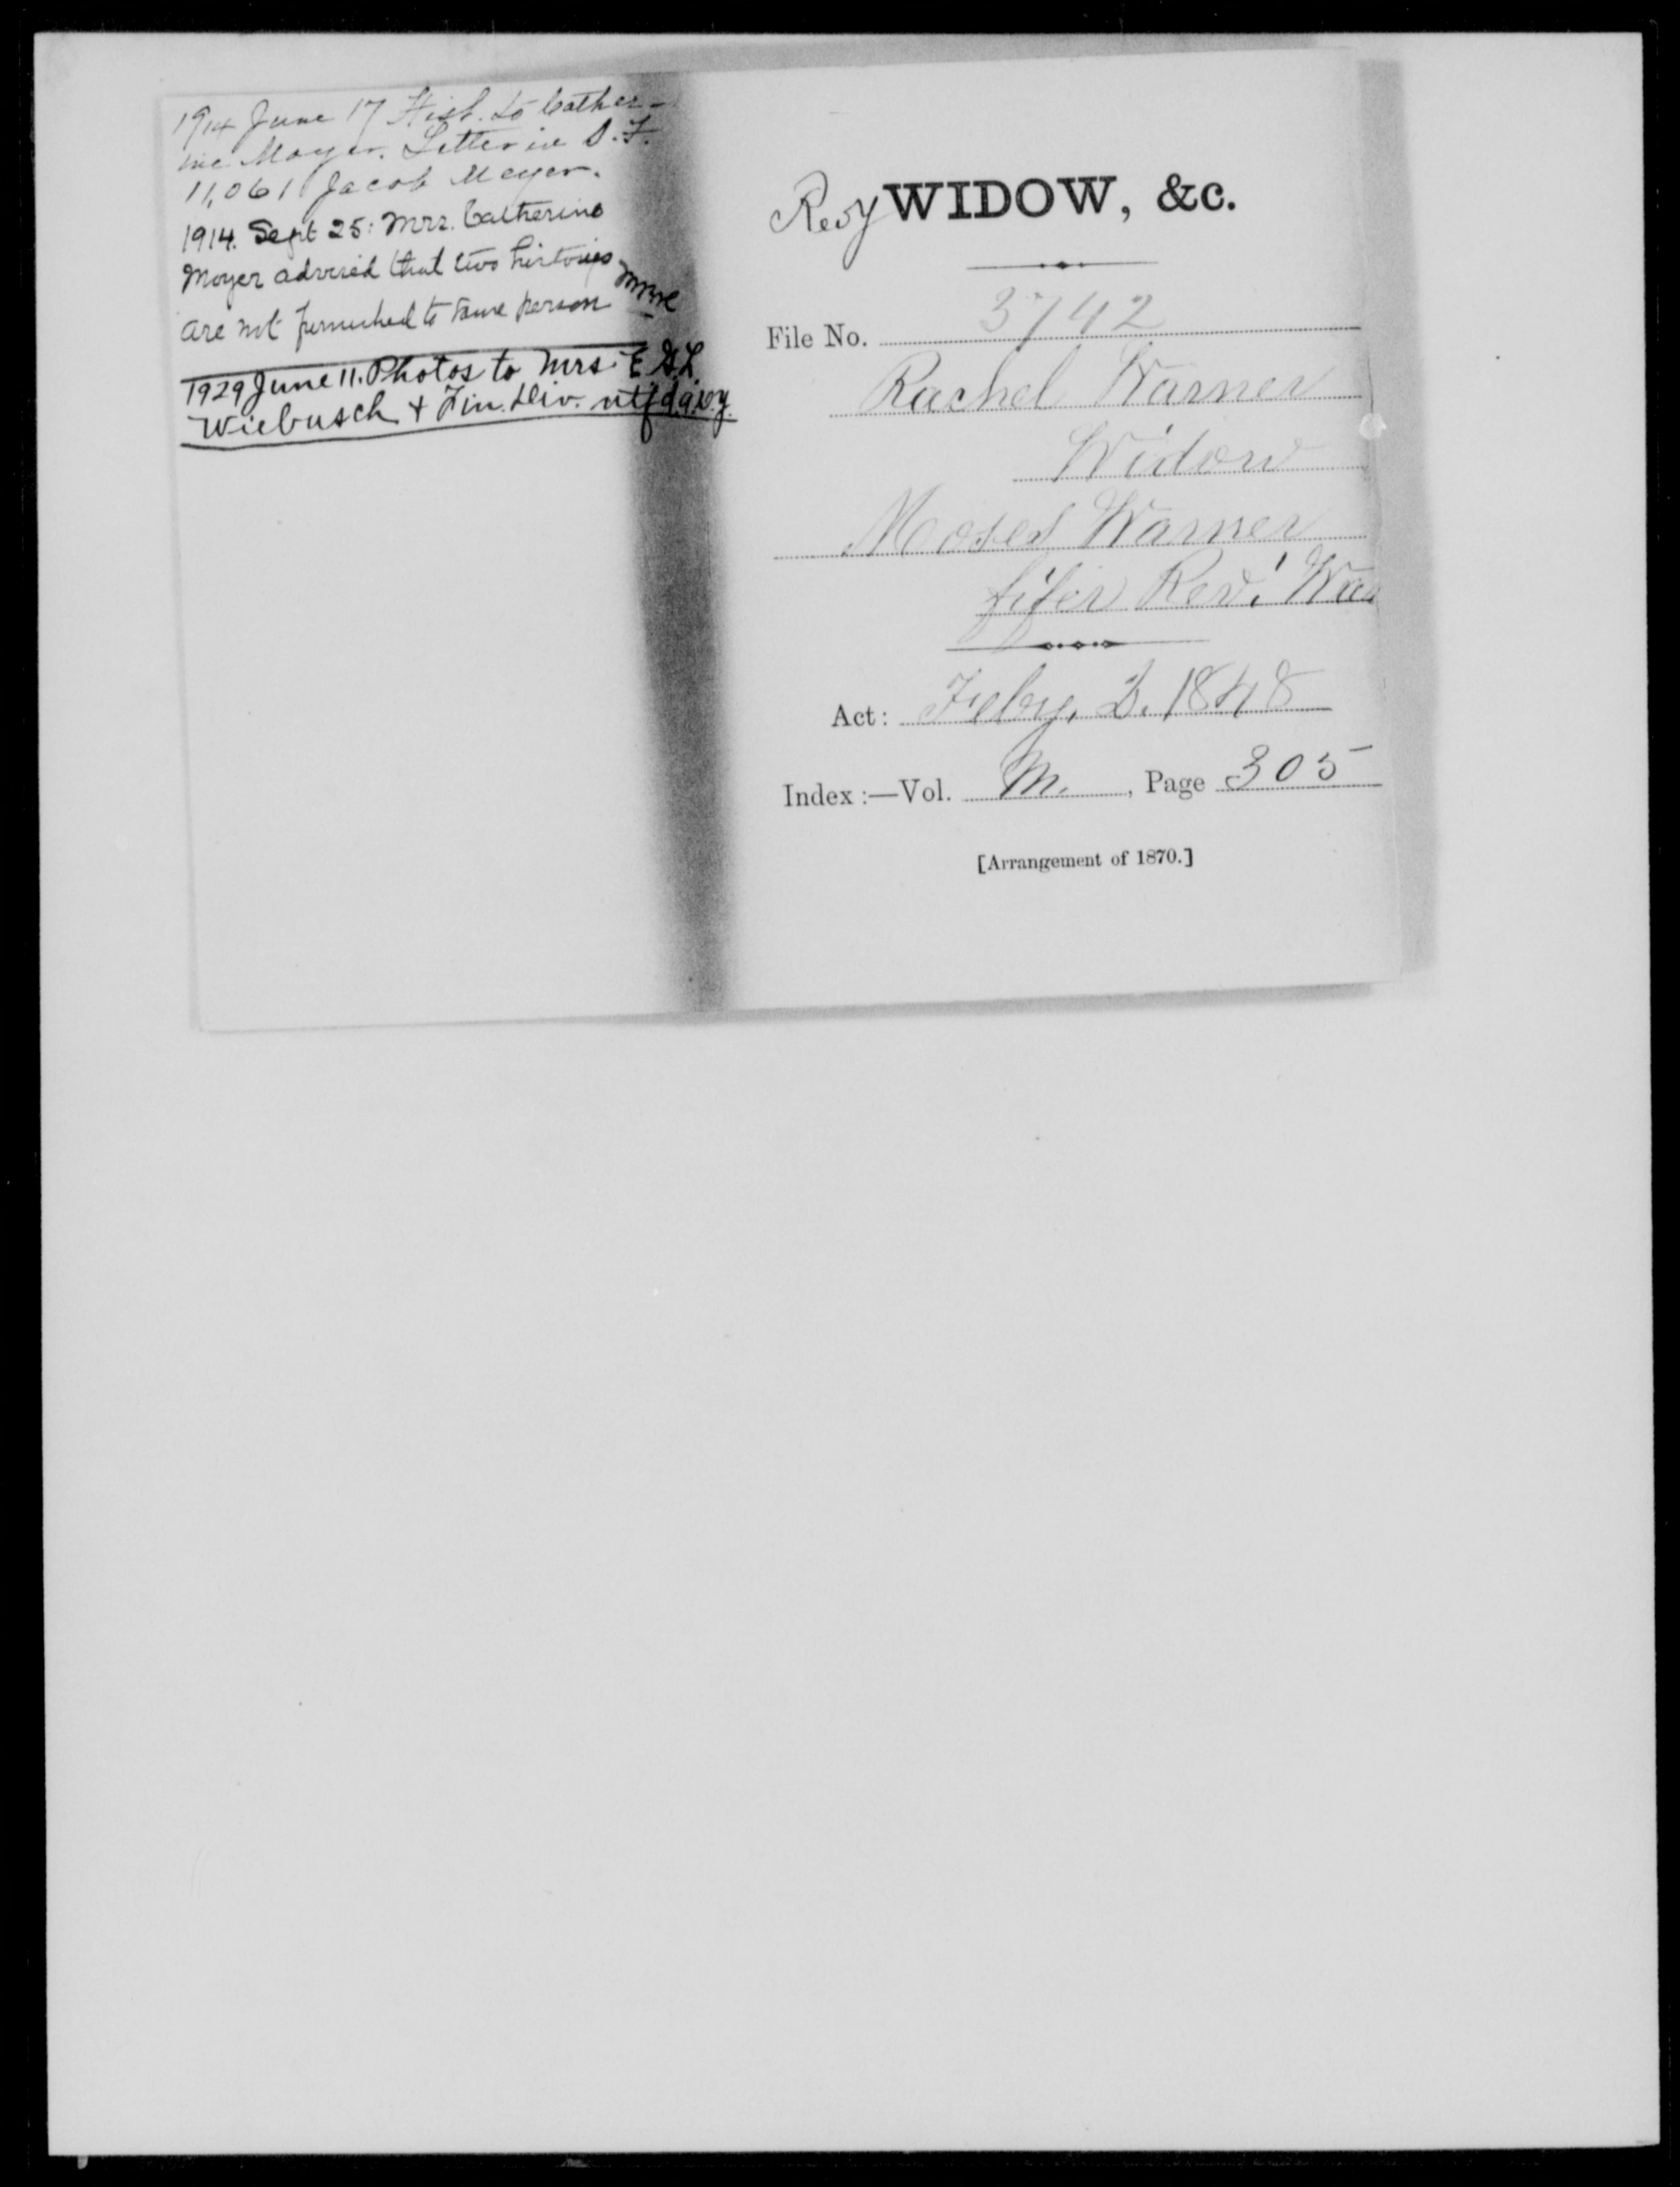Revy
WIDOW, &c,
--------------
File No.  3742
Rachel Warner
Widow 
Moses Warner
fifer Rev. War
----------------
Act:  Feby. 2, 1848
Index : -  Vol.   M,    Page  305

[Arrangement of 1870.]

1914 June 17  Hist. to Catherine Moyer. Letter is S. F. 11,061  Jacob Meyer.
1914 Sept 25 - Mrs. Catherine Moyer advised that two histories are not [           ] to same person     mme
-----------------------------------------------------
1929 June 11, Photos to Mrs E G L Wiebusch & Lin. Div.  ntfd. a.v.y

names: Rachel Warner, Moses Warner, E G L Wiebusch, Catherine Moyer, Catherine Moyer, Jacob Meyer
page: 37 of 40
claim: widow's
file: W. 3742, Moses Warner, Conn.